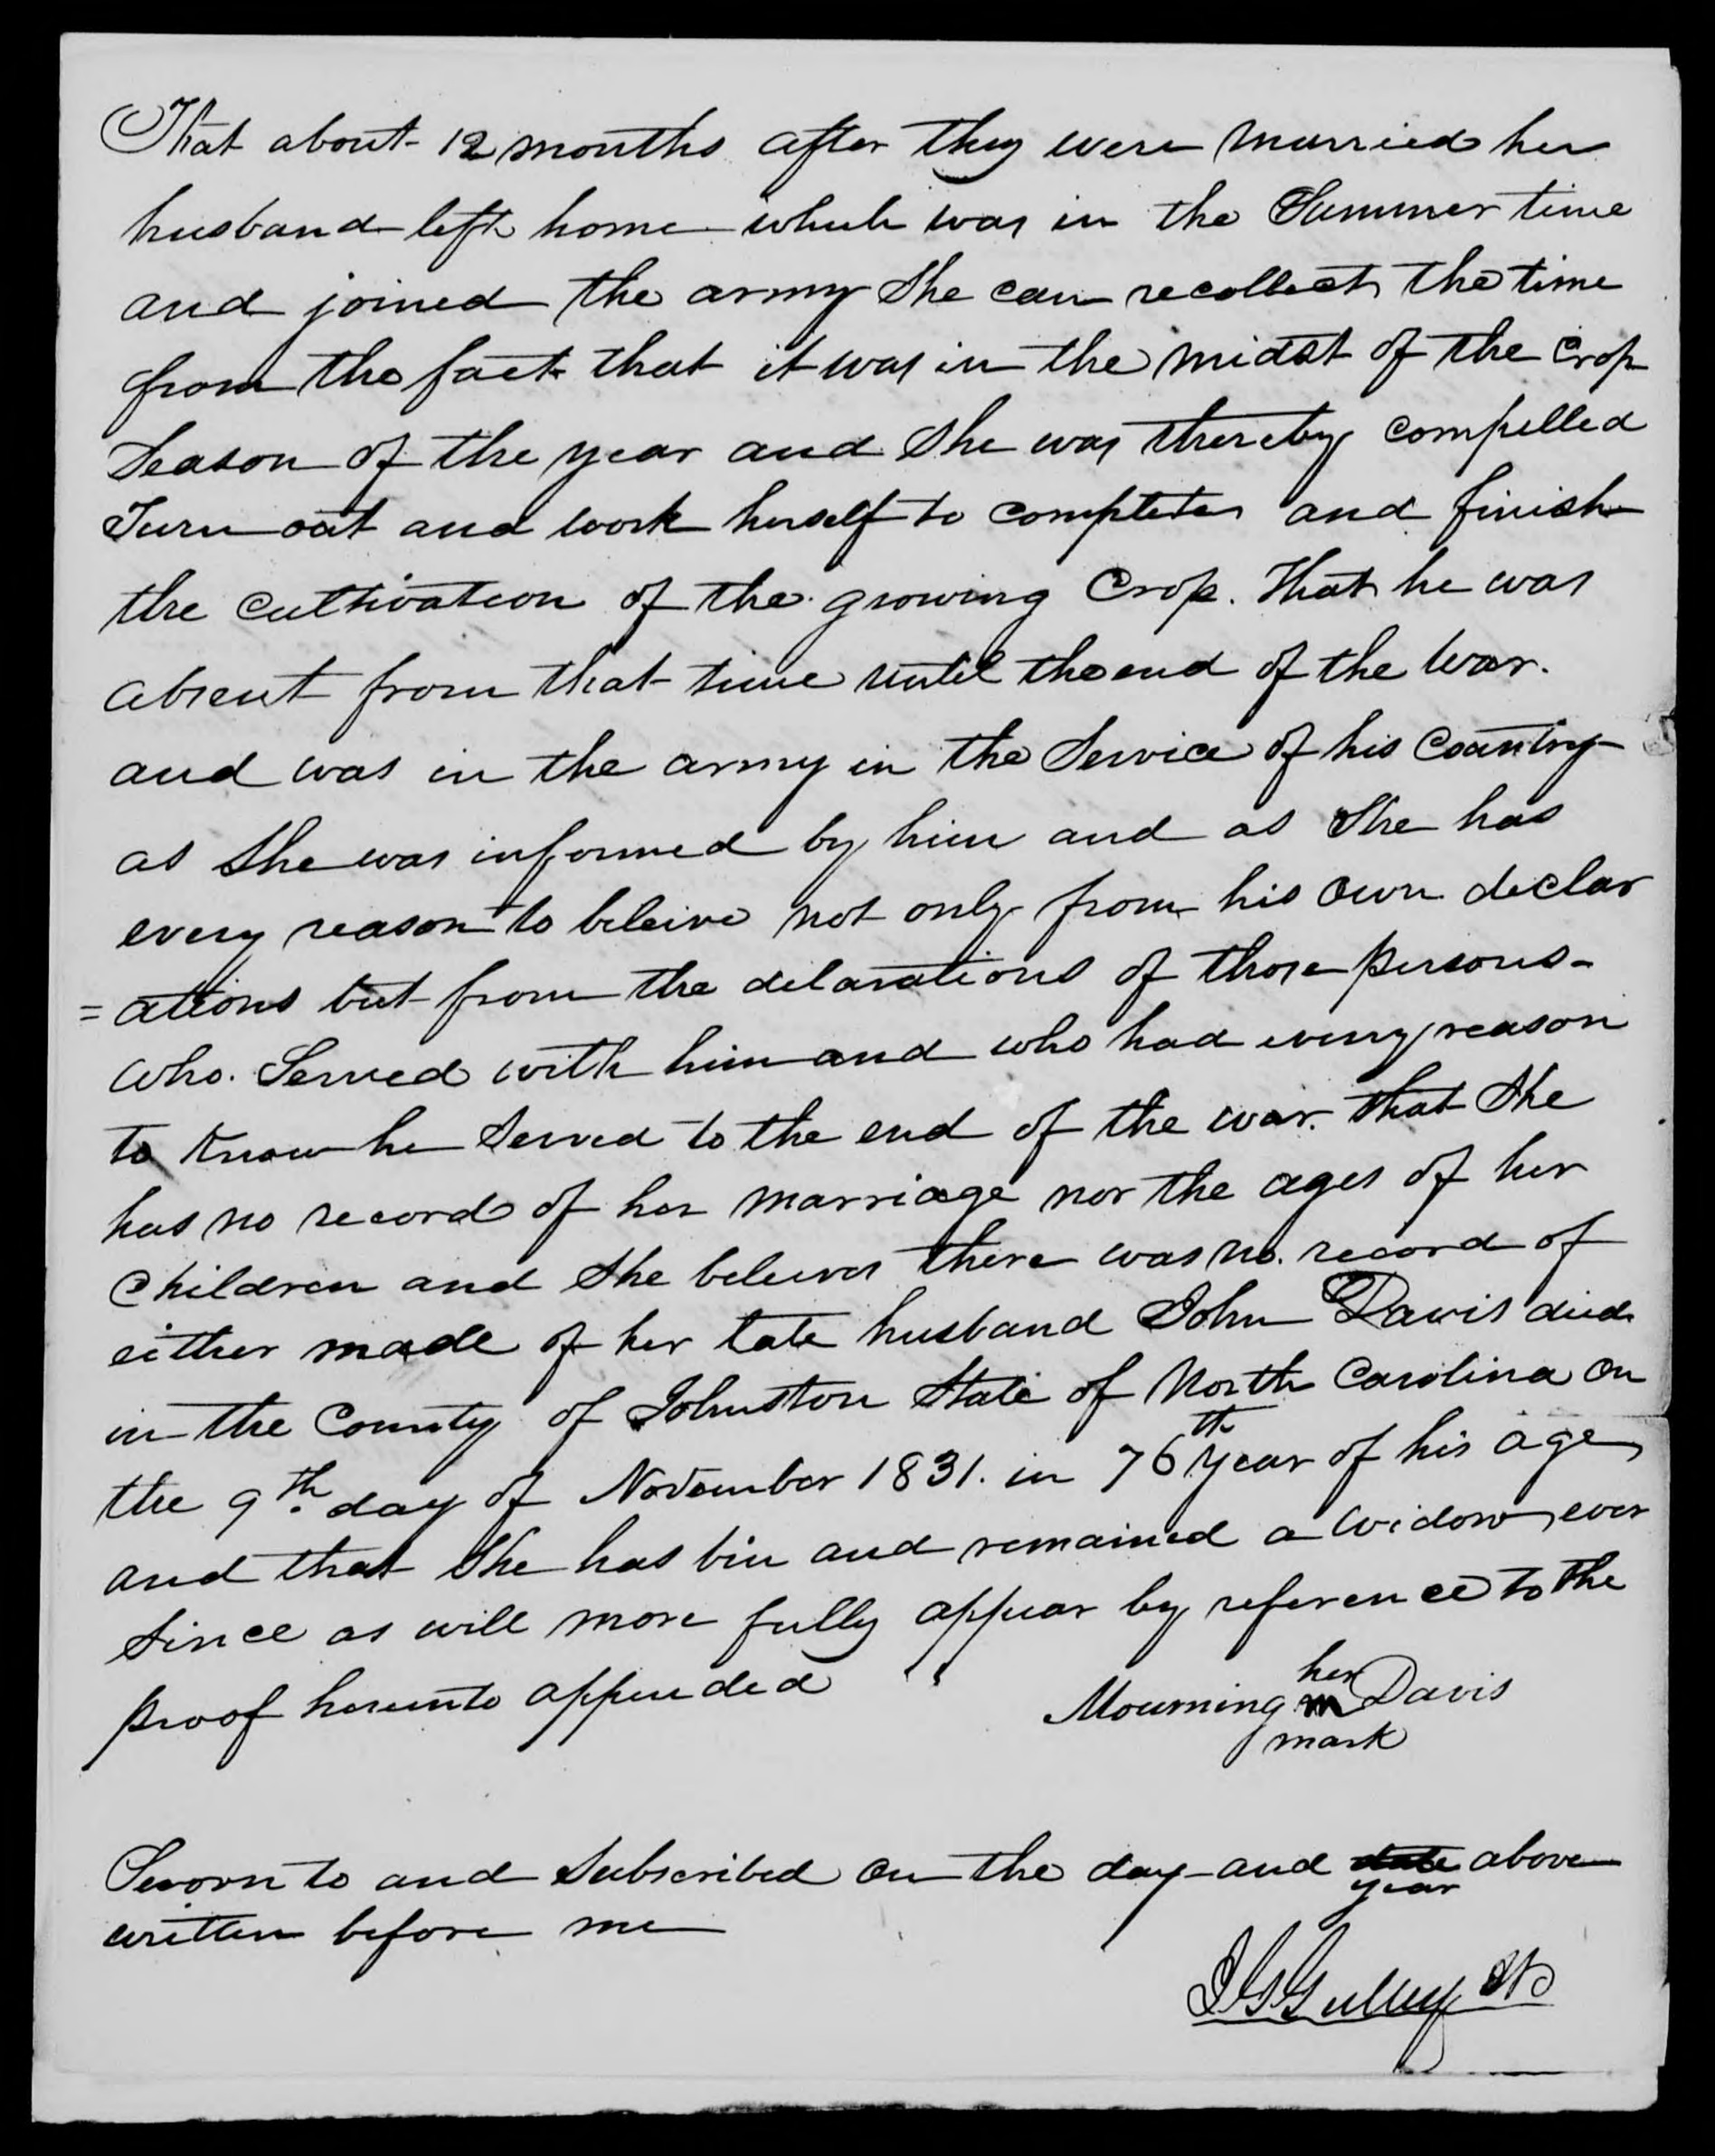That about 12 months after they were married her
husband left home which was in the Summer time
and joined the army. She can recollect the time
from the fact that it was in the midst of the crop
Season of the year and She was thereby compelled
Turn out and took herself to complete and finish
the cultivation of eh growing crop. That he was 
absent from that time until the end of the war.
and was in the army in the Service of his country
as She was informed by him and as she has
every reason to believe not only from his own declarations
but from the declarations of those persons
who served with him and who had every reason
to know he served to the end of the war. that She
has no record of her marriage nor the ages of her
children and she believes there was no record of
either made of her late husband John Davis died
in the County of Johnston State of North Carolina on
the 9th day of November 1831 in 76th year of his age
and that she has been and remained a widow ever
since as will more fully appear by reference to the
proof hereunto appended.

Mourning  Davis
         her   X mark    

Sworn to and Subscribed on the day and year above 
written before me

J.G. Gulley  J.P.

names: Mourning Davis, John Davis, J G Gulley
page: 5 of 29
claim: widow's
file: W. 19156, John Davis, N.C.